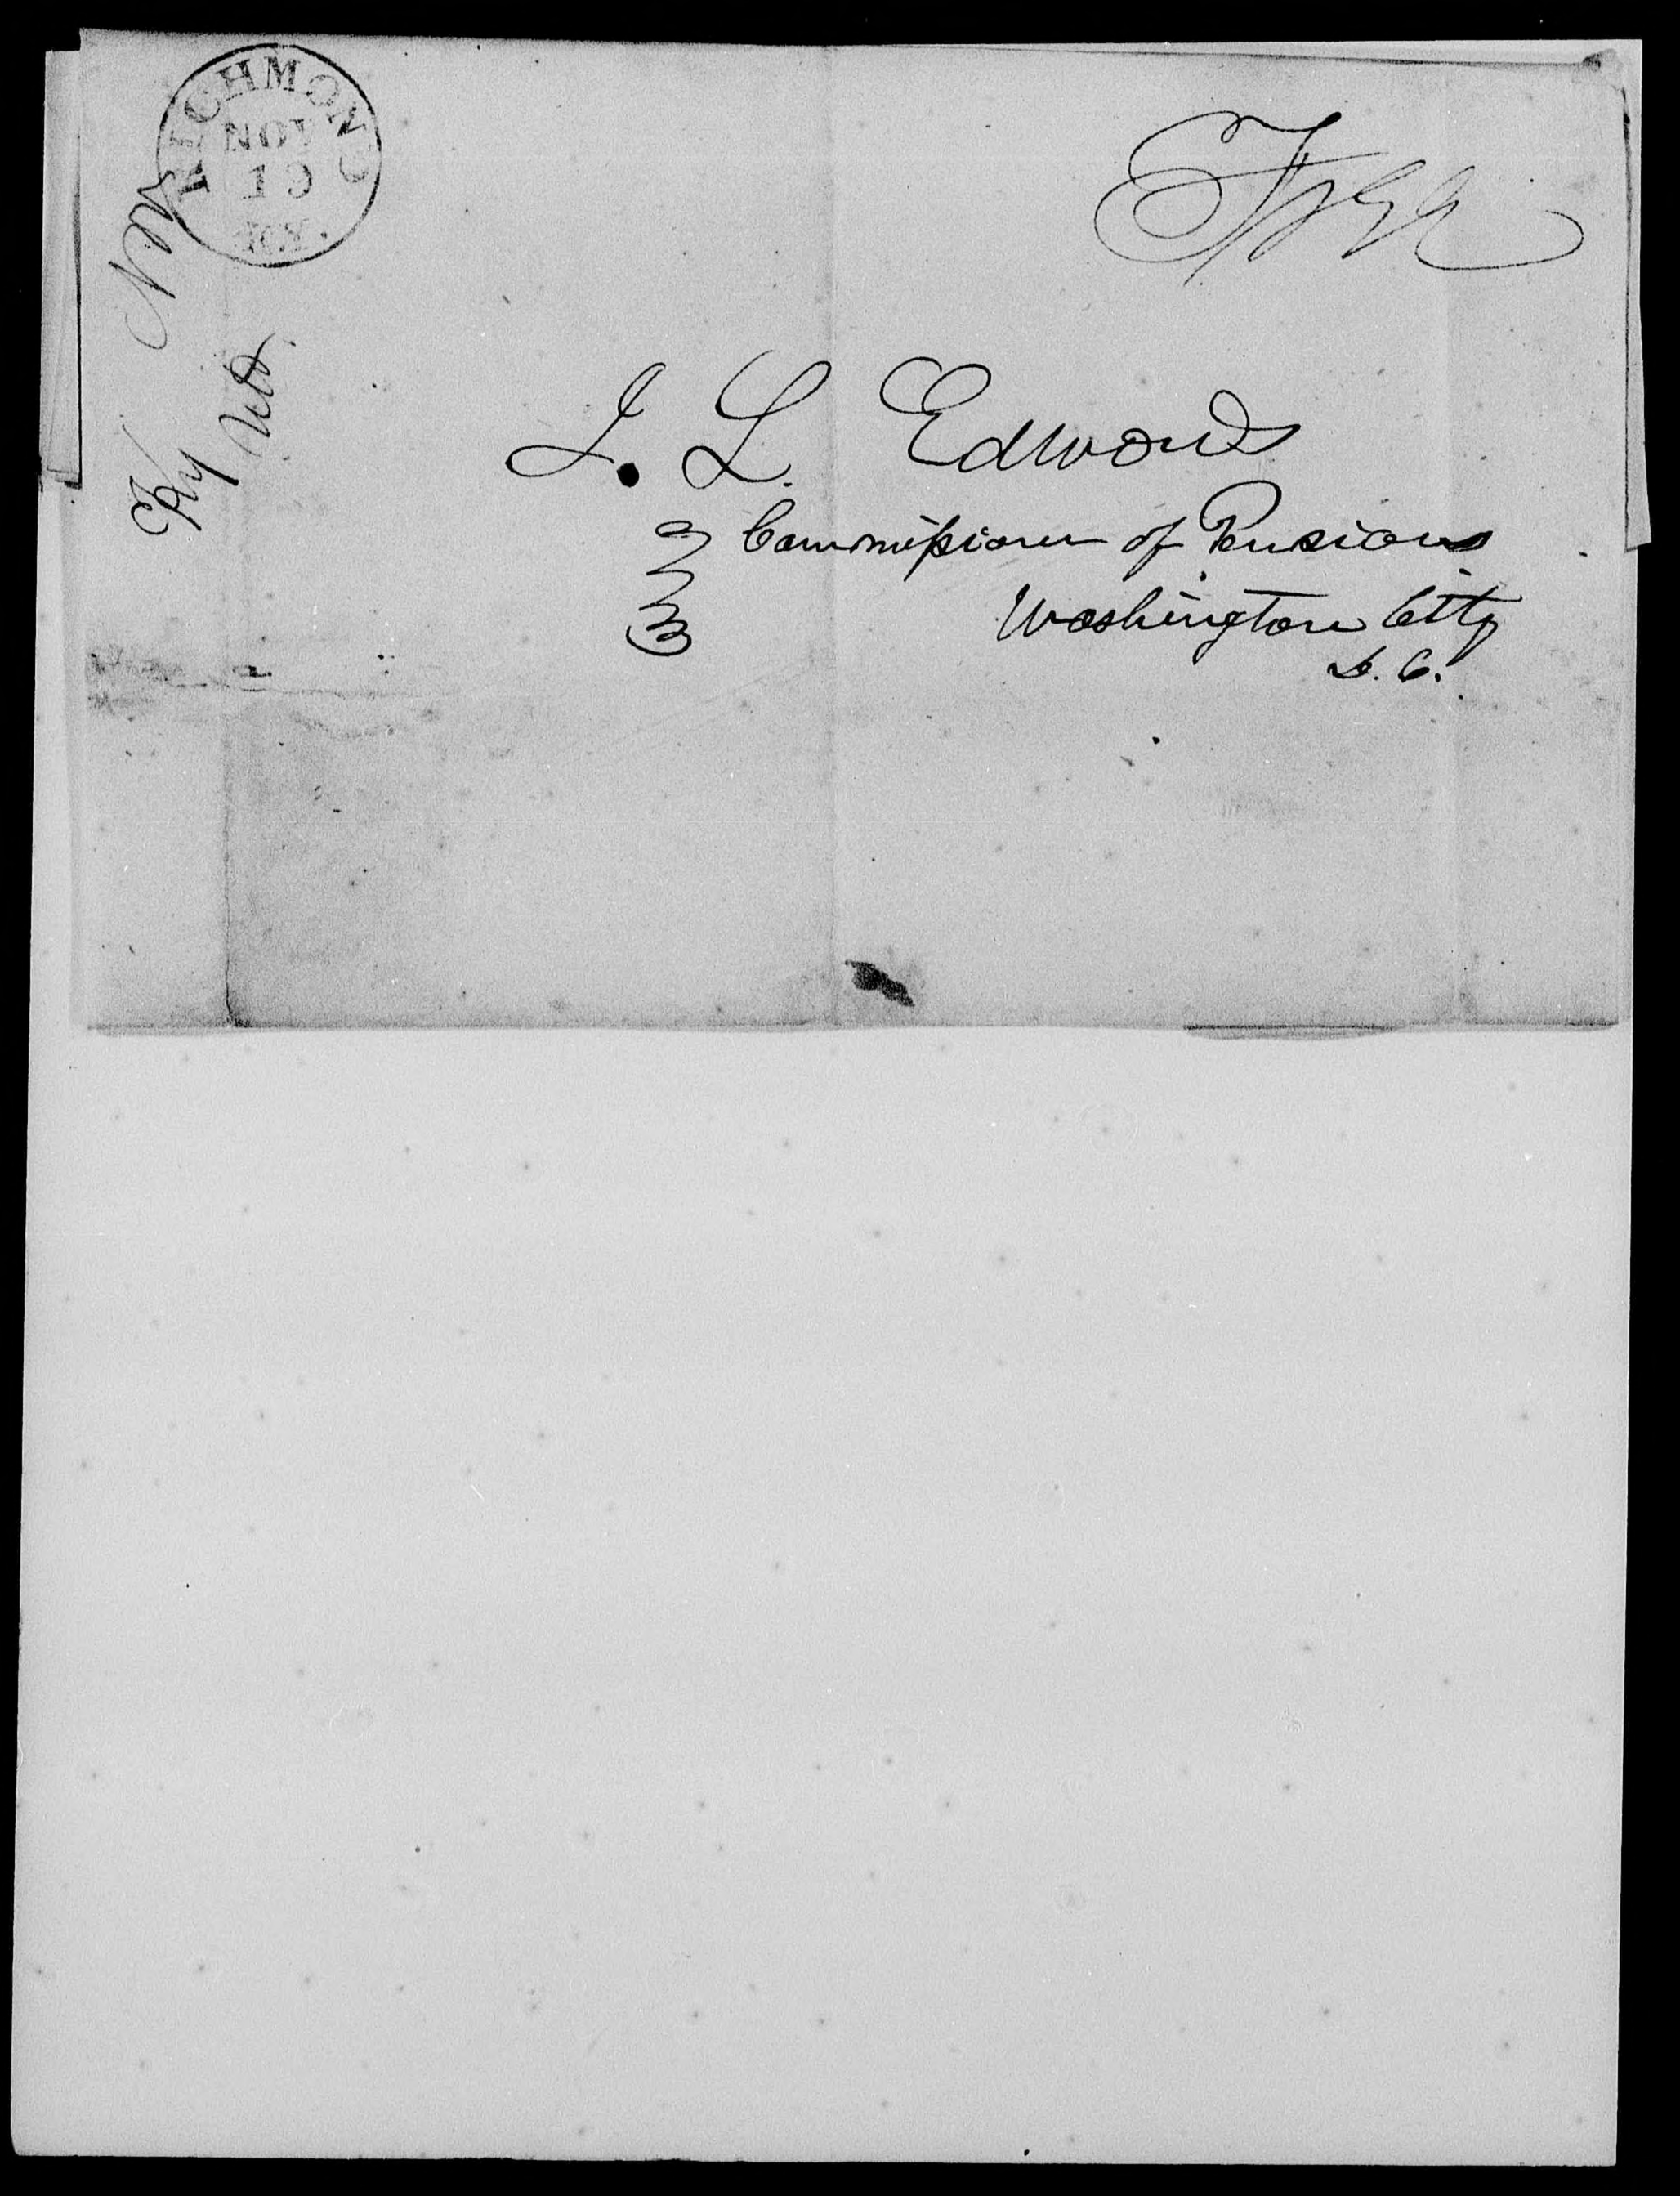Transcription of envelope

upper left corner

circle stamp:
Richmond, KY
Nov 19

J.L. Edwards
Commissioner of Pensions
Washington City
[L.G.] SC?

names: J L Edwords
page: 30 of 34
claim: widow's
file: W. 8897, Evan Haines, Ga